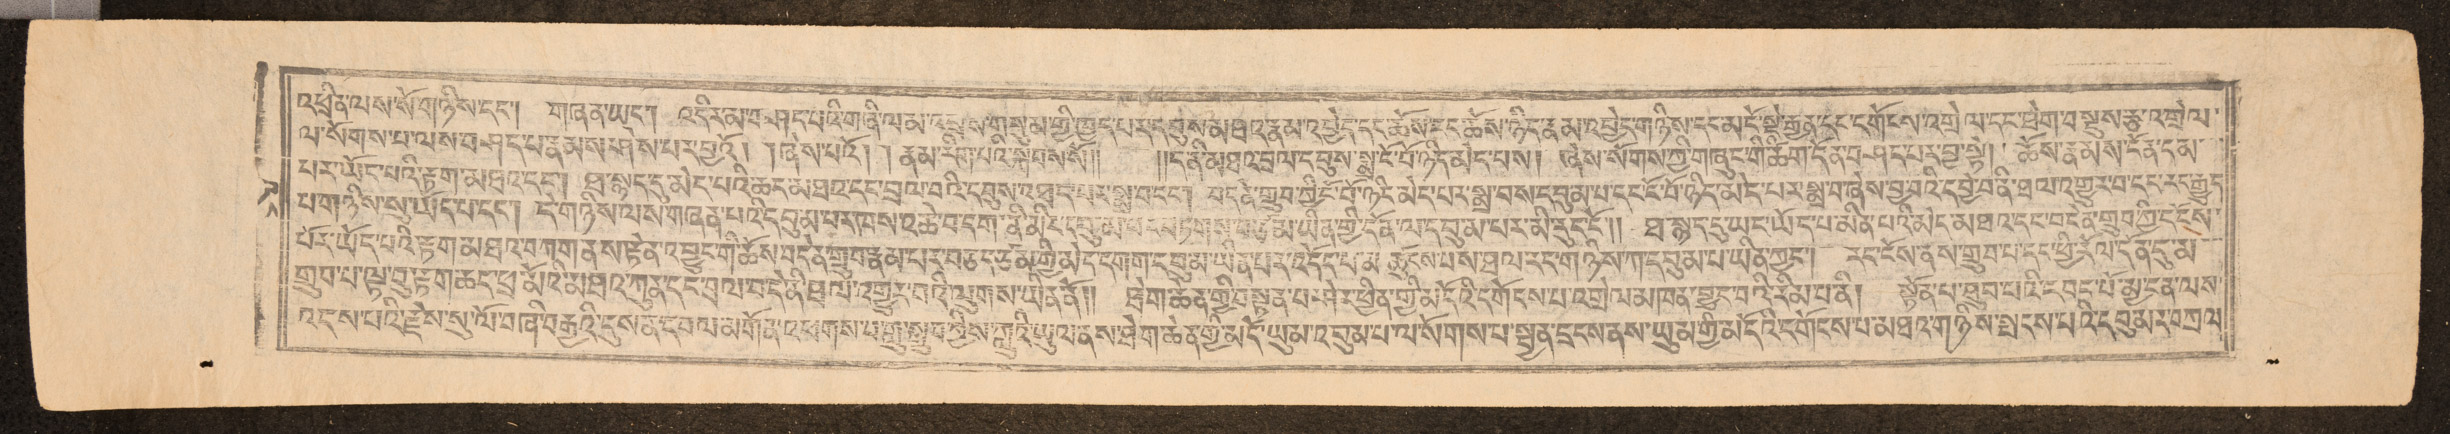འཕྲིན་ལས་སོ་གཉིས་དང་། གཞན་ཡང་། འདིར་མ་བཤད་པའི་གཞི་ལམ་འབྲས་གསུམ་གྱི་ཁྱད་པར་དབུས་མཐའ་རྣམ་འབྱེད་དང་ཆོས་དང་ཆོས་ཉིད་རྣམ་འབྱེད་གཉིས་དང་མདོ་སྡེ་རྒྱན་དང་དགོངས་འགྲེལ་དང་ཐེག་བསྡུས་རྩ་འགྲེལ་
ལ་སོགས་པ་ལས་བཤད་པ་རྣམས་ཤེས་པར་བྱའོ། །ཞེས་པའོ། །རྣམ་རིག་པའི་སྐབས་སོ།། །།ད་ནི་མཐའ་བྲལ་དབུས་སྨྲ་ངོ་བོ་ཉིད་མེད་པས། ཞེས་སོགས་ཀྱི་གཞུང་གི་ཚིག་དོན་བཤད་པར་བྱ་སྟེ། ཆོས་རྣམས་དོན་དམ་
པར་ཡོང་པའི་རྟག་མཐའ་དང་། ཐ་སྙད་དུ་མེད་པའི་ཆད་མཐའ་དང་བྲལ་བའི་དབུས་འཐད་པར་སྨྲ་བ་དང་། བདེན་གྲུབ་ཀྱི་ངོ་བོ་ཉིད་མེད་པར་སྨྲ་བས་དབུ་མ་པ་དང་ངོ་བོ་ཉིད་མེད་པར་སྨྲ་བ་ཞེས་བྱ་བའི་དབྱེ་བ་ནི་ཐལ་འགྱུར་བ་དང་རང་རྒྱུད་
པ་གཉིས་སུ་ཡོད་པ་དང་། དེ་གཉིས་ལས་གཞན་པའི་དབུ་མ་པར་ཁས་འཆེ་བ་དག་ནི་མིང་དབུ་མ་པར་བཏགས་པ་ཙམ་ཡིན་གྱི་དོན་ལ་དབུ་མ་པར་མི་རུང་ངོ།། ཐ་སྙད་དུ་ཡང་ཡོད་པ་མིན་པའི་མེད་མཐའ་དང་བདེན་གྲུབ་ཀྱི་དངོས་
པོར་ཡོད་པའི་རྟག་མཐའ་བཀག་ནས་རྟེན་འབྱུང་གི་ཆོས་བདེན་གྲུབ་རྣམ་པར་བཅད་ཙམ་གྱི་མེད་དགག་དབུ་མ་ཡིན་པར་འདོད་པ་མཚུངས་པས་ཐལ་རང་གཉིས་ཀ་དབུ་མ་པ་ཡིན་ཀྱང་། རང་ངོས་ནས་གྲུབ་པ་དང་ཕྱི་རོལ་དོན་དུ་མ་
གྲུབ་པ་ལྟ་བུ་རྟག་ཆང་ཕྲ་མོའི་མཐའ་ཀུན་དང་བྲལ་བ་དེ་ནི་ཐལ་འགྱུར་བའི་ལུགས་ཡིན་ནོ།། ཐེག་ཆེན་གྱི་བསྟན་པ་ཤེར་ཕྱིན་གྱི་མདོའི་དགོངས་པ་འགྲེལ་མཁན་བྱུང་བའི་རིམ་པ་ནི། སྟོན་པ་ཐུབ་པའི་དབང་པོ་མྱ་ངན་ལས་
འདས་པའི་རྗེས་སུ་ལོ་བཞི་བརྒྱའི་དུས་ན་དཔལ་མགོན་འཕགས་པ་ཀླུ་སྒྲུབ་ཀྱིས་ཀླུའི་ཡུལ་ནས་ཐེག་ཆེན་གྱི་མདོ་ཡུམ་འབུམ་པ་ལ་སོགས་པ་སྦྱན་དྲངས་ནས་ཡུམ་གྱི་མདོའི་དགོངས་པ་མཐའ་གཉིས་སྤངས་པའི་དབུ་མར་བཀྲལ་